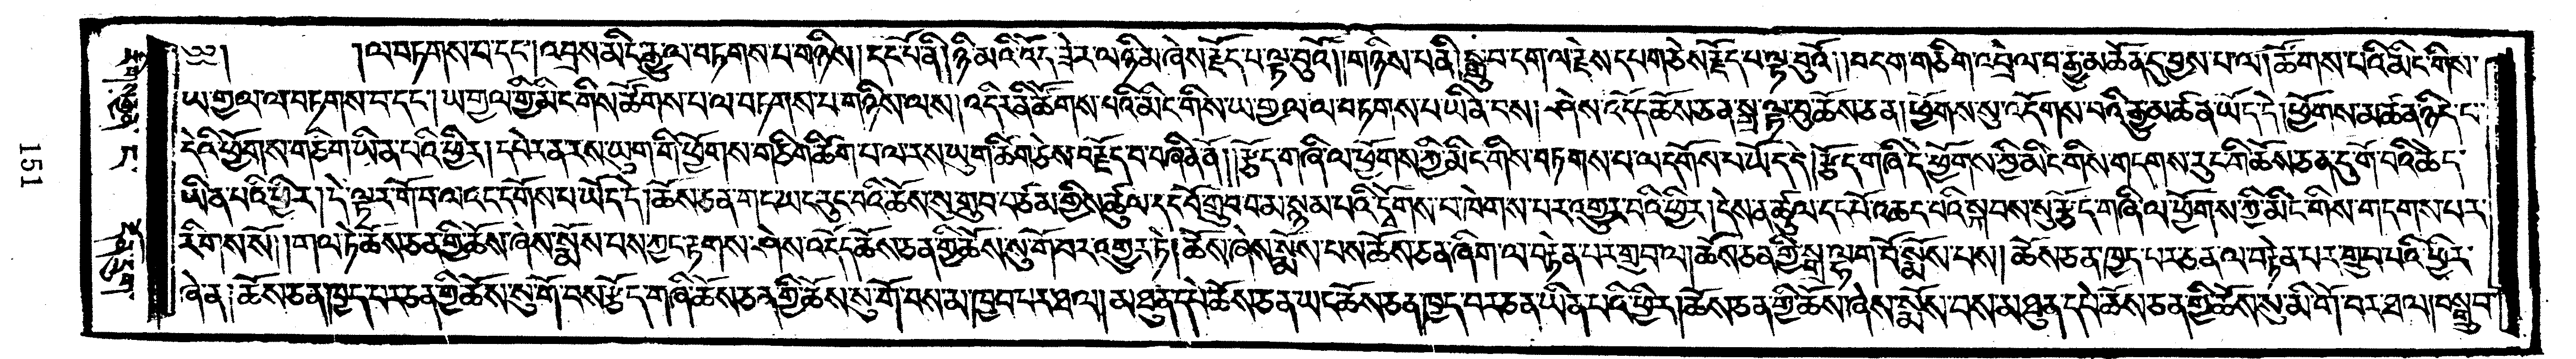༄༅། །ལ་བཏགས་པ་དང་། འབྲས་མིང་རྒྱུ་ལ་བཏགས་པ་གཉིས། དང་པོ་ནི། ཉི་མའི་འོད་ཟེར་ལ་ཉི་མ་ཞེས་རྗོད་པ་ལྟ་བུའོ། །གཉིས་པ་ནི། སྒྲུབ་ངག་ལ་རྗེས་དཔག་ཅེས་རྗོད་པ་ལྟ་བུའོ། །བདག་གཅིག་འབྲེལ་པ་རྒྱུ་མཚན་དུ་བྱས་པ་ལ། ཚོགས་པའི་མིང་གིས་
ཡ་གྱལ་ལ་བཏགས་པ་དང་། ཡ་གྱལ་གྱི་མིང་གིས་ཚོགས་པ་ལ་བཏགས་པ་གཉིས་ལས། འདིར་ནི་ཚོགས་པའི་མིང་གིས་ཡ་གྱལ་ལ་བཏགས་པ་ཡིན་པས། ཤེས་འདོད་ཆོས་ཅན་སྒྲ་ལྟ་བུ་ཆོས་ཅན། ཕྱོགས་སུ་འདོགས་པའི་རྒྱུ་མཚན་ཡོད་དེ། ཕྱོགས་མཚན་ཉིད་པ་
དེའི་ཕྱོགས་གཅིག་ཡིན་པའི་ཕྱིར། དཔེར་ན་རས་ཡུག་གི་ཕྱོགས་གཅིག་ཚིག་པ་ལ་རས་ཡུག་ཚིག་ཅེས་བརྗོད་པ་བཞིན་ནོ། །རྩོད་གཞི་ལ་ཕྱོགས་ཀྱི་མིང་གིས་བཏགས་པ་ལ་དགོས་པ་ཡོད་དེ། རྩོད་གཞི་དེ་ཕྱོགས་ཀྱི་མིང་གིས་གདགས་རུང་གི་ཆོས་ཅན་དུ་གོ་བའི་ཆོད་
ཡིན་པའི་ཕྱིར། དེ་ལྟར་གོ་བ་ལའང་དགོས་པ་ཡོད་དེ། ཆོས་ཅན་གང་ཡང་རུང་བའི་ཆོས་སུ་གྲུབ་པ་ཙམ་གྱིས་ཚུལ་དང་པོ་གྲུབ་བམ་སྙམ་པའི་དྭོགས་པ་ཁེགས་པར་འགྱུར་བའི་ཕྱིར། དེས་ན་ཚུལ་དང་པོ་འཆད་པའི་སྐབས་སུ་རྩོད་གཞི་ལ་ཕྱོགས་ཀྱི་མིང་གིས་གདགས་པར་
རིགས་སོ། །གལ་ཏེ་ཆོས་ཅན་གྱི་ཆོས་ཞེས་སྨོས་པས་ཀྱང་རྟགས་ཤེས་འདོད་ཆོས་ཅན་གྱིས་ཆོས་སུ་གོ་བར་འགྱུར་ཏེ། ཆོས་ཞེས་སྨོས་པས་ཆོས་ཅན་ཞིག་ལ་བརྟེན་པར་གྲུབ་ལ། ཆོས་ཅན་གྱི་སྒྲ་ལྷག་པོ་སྨོས་པས། ཆོས་ཅན་ཁྱད་པར་ཅན་ལ་བརྟེན་པར་གྲུབ་པའི་ཕྱིར་
ཞེ་ན། ཆོས་ཅན་ཁྱད་པར་ཅན་གྱི་ཆོས་སུ་གོ་བས་རྩོད་གཞི་ཆོས་ཅན་གྱི་ཆོས་སུ་གོ་བས་མ་ཁྱབ་པར་ཐལ། མཐུན་དཔེ་ཆོས་ཅན་ཡང་ཆོས་ཅན་ཁྱད་པར་ཅན་ཡིན་པའི་ཕྱིར། ཆོས་ཅན་གྱི་ཆོས་ཞེས་སྨོས་པས་མཐུན་དཔེ་ཆོས་ཅན་གྱི་ཆོས་སུ་མི་གོ་བར་ཐལ། བསྒྲུབ་